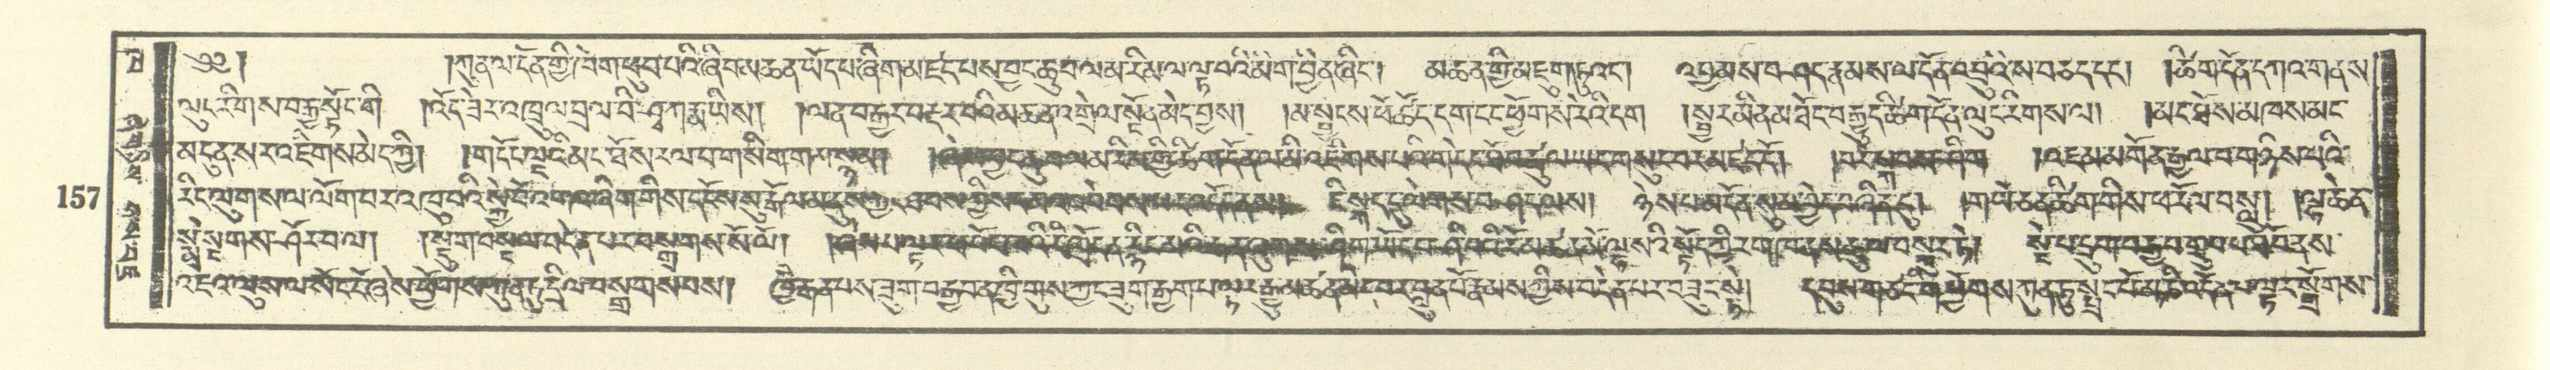༄༅། །ཀུན་ལ་དོན་གྱི་ཁོག་ཕུབ་པའི་ཞིབ་མཆན་ཡོད་པ་ཞིག་མཛད་པས་བྱང་ཆུབ་ལམ་རིམ་ལ་ལྟ་བའི་མིག་བྱིན་ཞིང་། མཆན་གྱི་མཇུག་ཏུའང་། འབྱམས་བཤད་རྣམས་ལ་དོན་འབྲུའི་ས་བཅད་དང་། །ཚིག་དོན་དཀའ་གནས་
ལུང་རིགས་བརྒྱ་སྟོང་གི །འོད་ཟེར་འཁྲུལ་བྲལ་བི་ཤྭ་ཀརྨ་ཡིས། །ལན་བརྒྱར་བརྡར་བའི་མཆན་འགྲེལ་སྔོན་མེད་བྱས། །མ་སྦྱངས་ཕོ་ཚོད་དག་ངང་ཕྱོགས་རེའི་དག །སྦྱར་མིན་མཐོང་བརྒྱུད་ཚིག་དོན་ལུང་རིགས་ལ། །མང་ཐོས་མཁས་མང་
མདུན་སར་འཇིགས་མེད་ཀྱི། །གདོང་ལྔའི་མང་ཐོས་རལ་བ་གསིག་གམ་སྙམ། །ཞེས་བྱང་ཆུབ་ལམ་རིམ་གྱི་ཚིག་དོན་ལ་མི་འཇིགས་པའི་གེ་དང་ཐོབ་ཚུལ་ཡང་གསུང་བར་མཛད་དོ། །བར་སྐབས་ཤིག །འཇམ་མགོན་རྒྱལ་བ་གཉིས་པའི་
རིང་ལུགས་ལ་ལོག་པར་འཁུ་བའི་སྐྱེ་བོ་འགའ་ཞིག་གིས་དངོས་སུ་རྒོལ་མ་ནུས་ཀྱང་ཐབས་ཀྱིས་དམའ་འབེབས་པར་འདོད་ནས། ཇི་སྐད་དུ་ལེགས་བཤད་ལས། ཉེས་བ་མངོན་སུམ་བྱེད་བཞིན་དུ། །གཡོ་ཅན་ཚིག་གིས་ཕ་རོལ་བསླུ། །ལྷ་ཆེན་
སྨྲེ་སྔགས་ཤོར་བ་ལ། །སྡུག་བསྔལ་བདེན་པར་བསྒྲགས་སོ་ལོ། །ཞེས་པ་ལྟར་ཕ་བོང་ཁའི་རི་ཁྲོད་ན་རྙིང་མའི་རྒན་ཞུགས་ཤིག་ཡོང་བ་ཤི་བའི་རོ་མཚན་མོ་ལྷ་སའི་སྟོད་ཀྱི་རག་ཁ་ནས་ཆུ་ལ་བསྐུར་ཏེ། སྡེ་པ་དྲུག་བརྒྱ་པ་གྲུབ་པ་ཐོབ་ནས་
འཇའ་ལུས་ལ་སོང་ངོ་ཞེས་ཕྱོགས་ཀུན་ཏུ་དྲིལ་བསྒྲགས་པས། ཁྱི་རྒན་པས་ཟུག་བརྒྱ་བ་ན་ཁྱི་གུས་ཀྱང་ཟུག་རྒྱག་པ་ལྟར་རྒྱུ་མཚན་མེད་པར་བླུན་པོ་རྣམས་ཀྱིས་བདེན་པར་བཟུང་སྟེ། དབུས་གཙང་གི་ཕྱོགས་ཀུན་ཏུ་སྤྲང་པོ་མ་ཎི་འདོན་པ་ལྟར་སྒྲོགས་